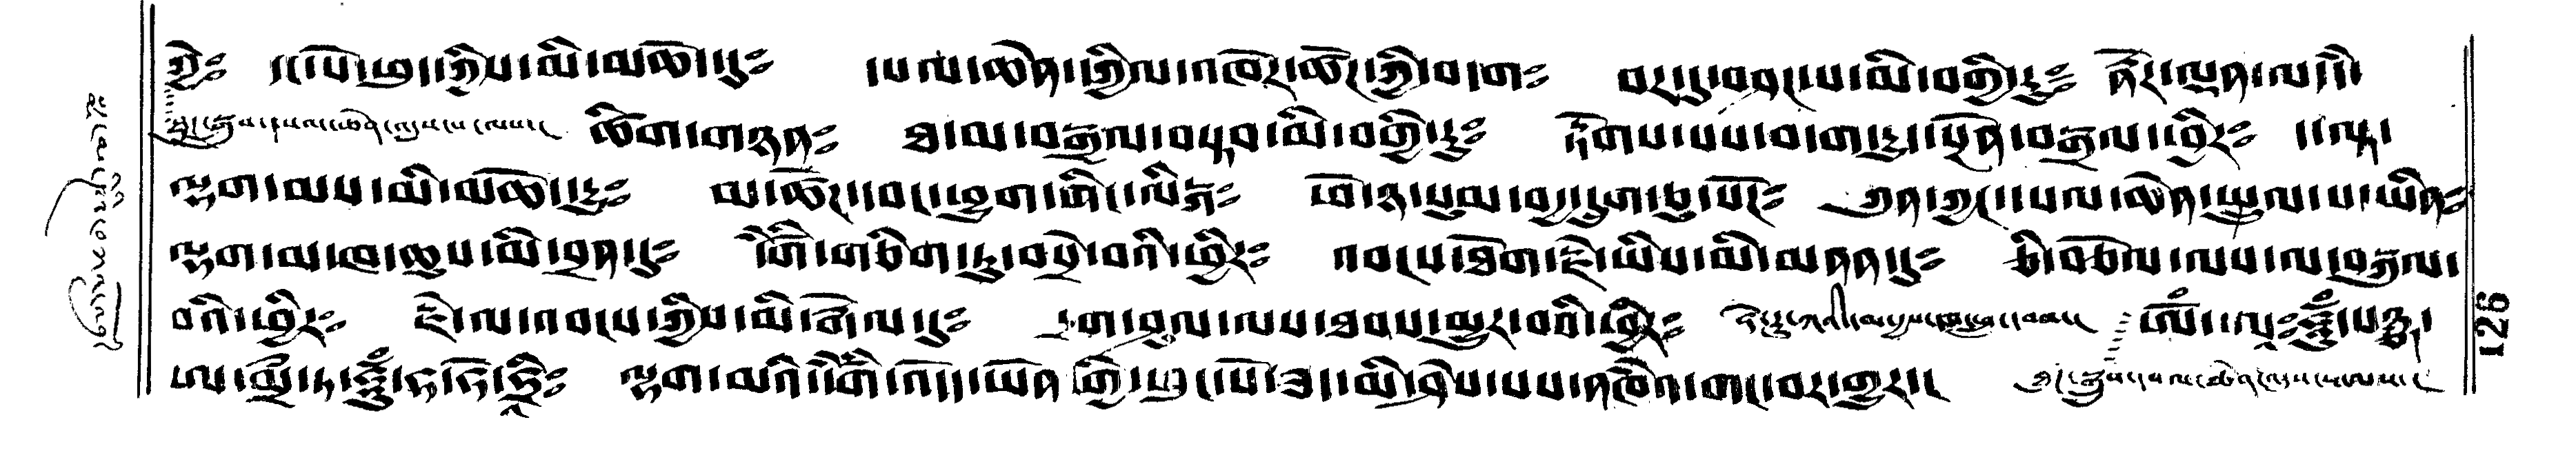ཀྱཻ༔ དང་པོ་ཕུད་ཀྱིས་མི་མཆོད་རྒྱུ༔ དཔལ་ཆེན་དཀྱིལ་འཁོར་ཚོགས་ཀྱིས་བདག༔ བར་དུ་བཤགས་པ་མི་བགྱིད་རྒྱུ༔ རྣལ་འབྱོར་ལྡན་ལ་དམ་
ཚིག་གཉན༔ ཐ་མ་བསྒྲལ་སྟབ་མི་བགྱིད་རྒྱུ༔ རྟོགས་པས་བདག་རྒྱུད་སྔོན་སྒྲོལ་ཕྱིར༔ ད་ལྟ་
ལྷག་མས་མི་མཆོད་རྒྱུ༔ མ་ཚོགས་དབང་ཕྱུག་གིང་ལང་ཀ༔ ཕོ་ཉ་སུམ་བརྒྱ་དྲུག་ཅུ་སོགས༔ ཀུན་ཀྱང་དཔལ་ཆེན་སྤྲུལ་པ་ཡིན༔ 
ལྷག་མ་ཁ་ཆུས་མི་བྲན་རྒྱུ༔ དམ་ཚིག་གཅིག་ཏུ་བསྲེ་བའི་ཕྱིར༔ འབངས་ཐོག་རྗེ་ཡིས་མི་མནན་རྒྱུ༔ ཅི་བཅོལ་ལས་ལ་བསྐུལ་
བའི་ཕྱིར༔ རྗེ་ལ་འབངས་ཀྱིས་མི་རྒོལ་རྒྱུ༔ དྲག་ཤུལ་ལས་ཐབས་མྱུར་བའི་ཕྱིར༔ ཧེ་རུ་ཀའི་དམ་རྒྱས་ཁ་ཕྲུ་དབབ། ཨོཾ་ཨཱཿཧཱུྃ་པཉྩ་
ཨ་མྲྀ་ཏ་ཧཱུྃ་ཧ་ཧོ་ཧྲཱི༔ ལྷག་མའི་དམ་ཚིག་འདོད་ཡོན་གྱི་ཕུང་པོ་ཟད་མི་ཤེས་པས་ནམ་མཁའ་གང་བར་གྱུར༔